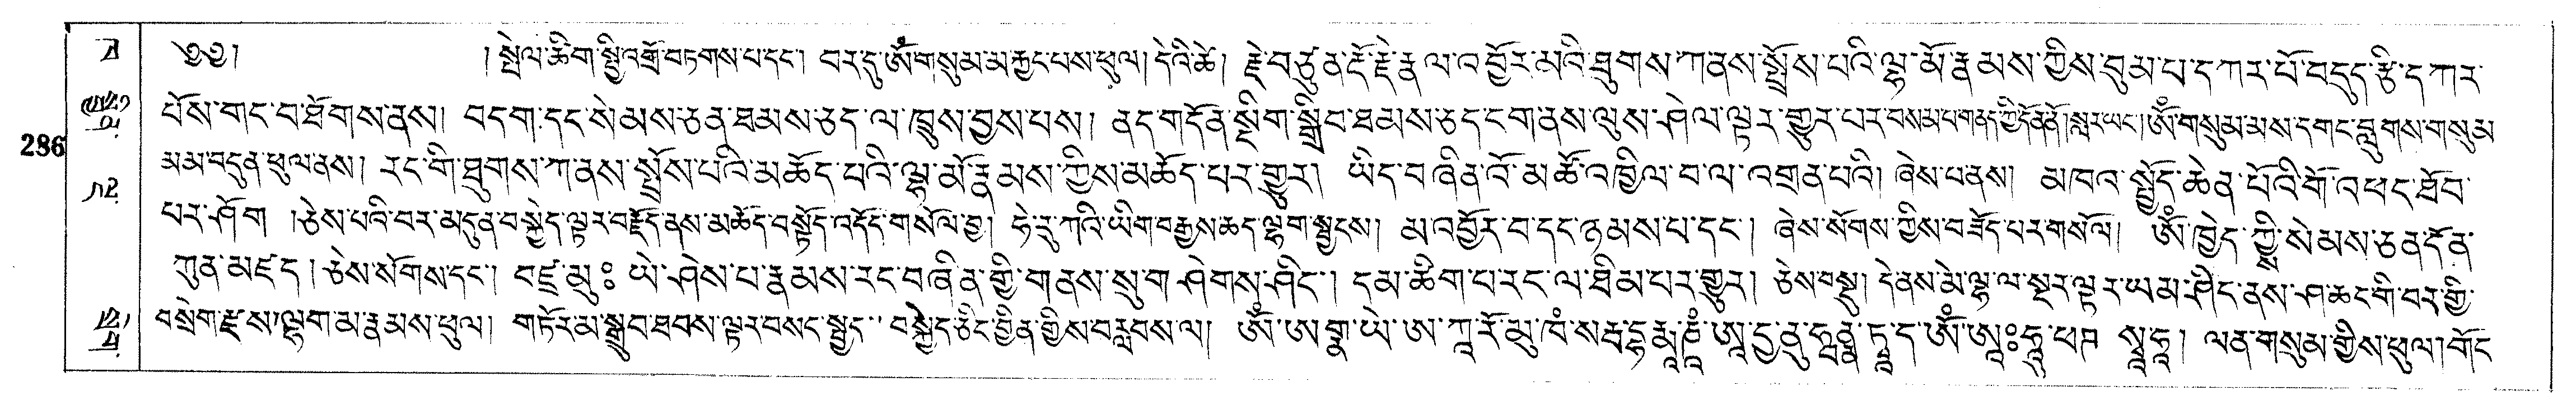༄༅། །རྩེལ་?་ཚིག་སྤྱིར་འགྲོ་བཏགས་པ་དང་། བར་དུ་ཨོཾ་གསུམ་མ་རྐྱང་པས་ཕུལ། དེའི་ཚེ། རྗེ་བཙུན་རྡོ་རྗེ་རྣལ་འབྱོར་མའི་ཐུགས་ཀ་ནས་སྤྲོས་པའི་ལྷ་མོ་རྣམས་ཀྱིས་བུམ་པ་དཀར་པོ་བདུད་རྩི་དཀར་
པོས་གང་བ་ཐོགས་ནས། བདག་དང་སེམས་ཅན་ཐམས་ཅད་ལ་ཁྲུས་བྱས་པས། ནད་གདོན་སྡིག་སྒྲིབ་ཐམས་ཅད་དག་ནས་ལུས་ཤེལ་ལྟར་གྱུར་པར་བསམ་པ་གནད་ཀྱི་དོན་ནོ། །སླར་ཡང་། ཨོཾ་གསུམ་མས་དབང་?་བླུགས་གསུམ་
མམ་བདུན་ཕུལ་ནས། རང་གི་ཐུགས་ཀ་ནས་སྤྲོས་པའི་མཆོད་པའི་ལྷ་མོ་རྣམས་ཀྱིས་མཆོད་པར་གྱུར། ཡིད་བཞིན་འོ་མཚོ་འཁྱིལ་བ་ལ་འགྲན་པའི། ཞེས་པ་ནས། མཁའ་སྤྱོད་ཆེན་པོའི་གོ་འཕང་ཐོབ་
པར་ཤོག །ཅེས་པའི་བར་མདུན་བསྐྱེད་ལྟར་བརྗོད་ནས་མཆོད་པ་སྟོང་འདོད་གསོལ་བྱ། ཧེ་རུ་ཀའི་ཡིག་བརྒྱས་ཆད་ལྷག་སྦྱངས། མ་འབྱོར་བ་དང་ཉམས་པ་དང་། ཞེས་སོགས་ཀྱིས་བཟོད་པར་གསོལ། ཨོཾ་ཁྱེད་ཀྱིས་སེམས་ཅན་དོན་
ཀུན་མཛད། ཅེས་སོགས་དང་། བྫྲ་མུཿ ཡེ་ཤེས་པ་རྣམས་རང་བཞིན་གྱི་གནས་སུ་གཤེགས་ཤིང་། དམ་ཚིག་པ་རང་ལ་ཐིམ་པར་གྱུར། ཅེས་བསྡུ། དེ་ནས་མེ་ལྷ་ལ་སྔར་ལྟར་ཡམ་ཤིང་ནས་ཤ་ཆང་གི་བར་གྱི་
བསྲེག་རྫས་ལྷག་མ་རྣམས་ཕུལ། གཏོར་མ་སྒྲུབ་ཐབས་ལྟར་བསད་སྦྱང་བསྐྱེད་ཅིང་བྱིན་གྱིས་བརླབས་ལ། ཨོཾ་ཨགན་ཡེ་ཨ་ཀཱ་རོ་མུ་ཁཾ་སརྦ་དྷརྨཱ་ཎཱཾ་ཨཱ་དྱ་ནུཧྤནན་?་ཏྭཱ་ད་ཨོཾ་ཨཱཿ ཧཱུཾ་ཕཊ་སྭཱ་ཧཱ། ལན་གསུམ་གྱིས་ཕུལ། གོང་